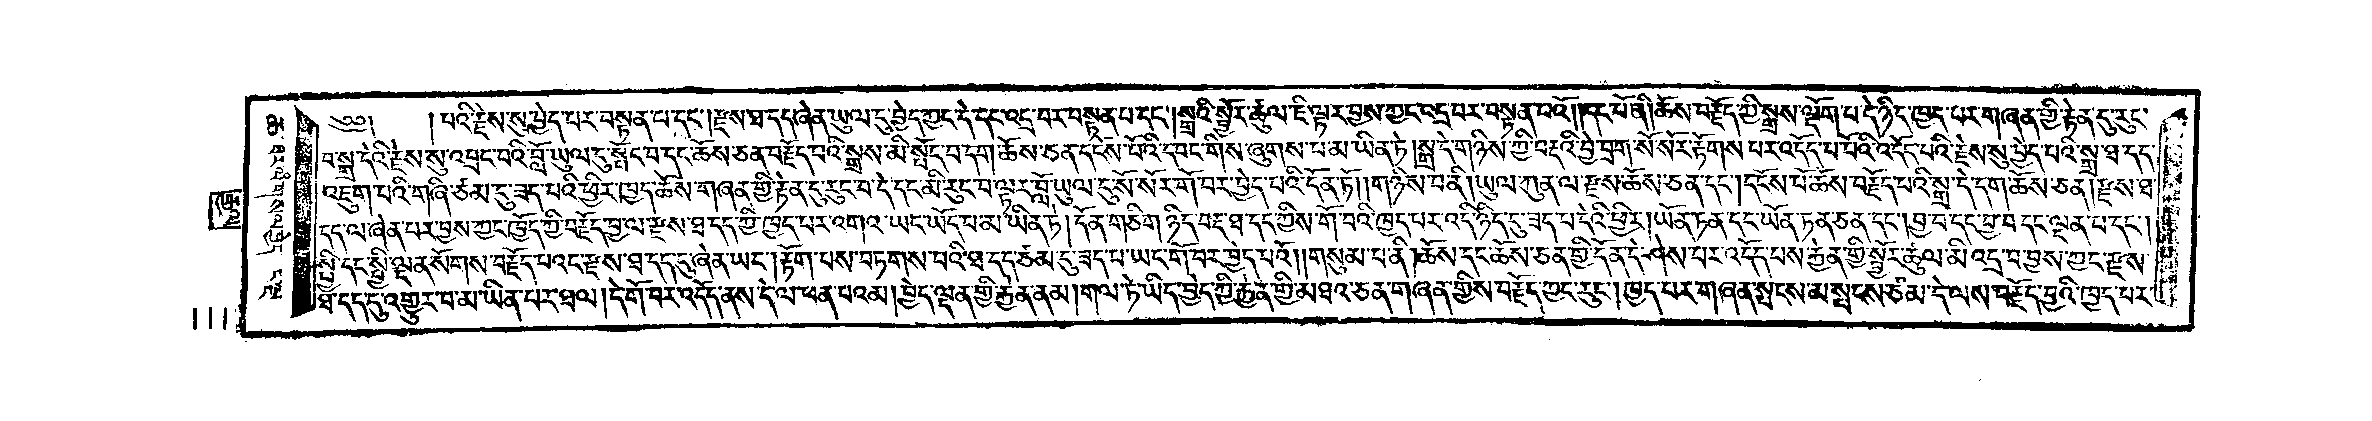༄༅། །པའི་རྗེས་སུ་བྱེད་པར་བསྟན་པ་དང་། རྫས་ཐ་དད་ཞེན་ཡུལ་དུ་བྱེད་ཀྱང་དེ་དང་འདྲ་བར་བསྟན་པ་དང་། སྒྲའི་སྦྱོར་ཚུལ་ཇི་ལྟར་བྱས་ཀྱང་འདྲ་བར་བསྟན་པའོ། །དང་པོ་ནི། ཆོས་བརྗོད་ཀྱི་སྒྲས་ལྡོག་པ་དེ་ཉིད་ཁྱད་པར་གཞན་གྱི་རྟེན་དུ་རུང་
བ་སྒྲ་དེའི་རྗེས་སུ་འབྲང་བའི་བློ་ཡུལ་དུ་སྤོང་བ་དང་ཆོས་ཅན་བརྗོད་པའི་སྒྲས་མི་སྤོང་བ་དག་ཆོས་ཅན་དངོས་པོའི་དབང་གིས་ཞུགས་པ་མ་ཡིན་ཏེ། སྒྲ་དེ་གཉིས་ཀྱི་བརྡའི་བྱེ་བྲག་སོ་སོར་རྟོགས་པར་འདོད་པ་པོའི་འདོད་པའི་རྗེས་སུ་བྱེད་པའི་སྒྲ་ཐ་དད་
འཇུག་པའི་གཞི་ཙམ་དུ་ཟད་པའི་ཕྱིར་ཁྱད་ཆོས་གཞན་གྱི་རྟེན་དུ་རུང་བ་དེ་དང་མི་རུང་བ་ལྟར་བློ་ཡུལ་དུ་སོ་སོར་གོ་བར་བྱེད་པའི་དོན་ཏོ། །གཉིས་པ་ནི། ཡུལ་ཀུན་ལ་རྫས་ཆོས་ཅན་དང་། དངོས་པོ་ཆོས་བརྗོད་པའི་སྒྲ་དེ་དག་ཆོས་ཅན། རྫས་ཐ་
དད་ལ་ཞེན་པར་བྱས་ཀྱང་ཁྱོད་ཀྱི་བརྗོད་བྱ་ལ་རྫས་ཐ་དད་ཀྱི་ཁྱད་པར་འགའ་ཡང་ཡོད་པ་མ་ཡིན་ཏེ། དོན་གཅིག་ཉིད་བརྡ་ཐ་དད་ཀྱིས་གོ་བའི་ཁྱད་པར་འདི་ཉིད་དུ་ཟད་པ་དེའི་ཕྱིར། ཡོན་ཏན་དང་ཡོན་ཏན་ཅན་དང་། བྱ་བ་དང་བྱ་བ་དང་ལྡན་པ་དང་།
སྤྱི་དང་སྤྱི་ལྡན་སོགས་བརྗོད་པའང་རྫས་ཐ་དད་དུ་ཞེན་ཡང་། རྟོག་པས་བཏགས་པའི་ཐ་དད་ཙམ་དུ་ཟད་པ་ཡང་གོ་བར་བྱེད་པའོ། །གསུམ་པ་ནི། ཆོས་དང་ཆོས་ཅན་གྱི་དོན་དེ་ཤེས་པར་འདོད་པས་རྐྱེན་གྱི་སྦྱོར་ཚུལ་མི་འདྲ་བ་བྱས་ཀྱང་རྫས་
ཐ་དད་དུ་འགྱུར་བ་མ་ཡིན་པར་ཐལ། དེ་གོ་བར་འདོད་ནས་དེ་ལ་ཕན་པའམ། བྱེད་ལྡན་གྱི་རྐྱེན་ནམ། གལ་ཏེ་ཡིད་བྱེད་ཀྱི་རྐྱེན་གྱི་མཐའ་ཅན་གཞན་གྱིས་བརྗོད་ཀྱང་རུང་། ཁྱད་པར་གཞན་སྤངས་མ་སྤངས་ཙམ་དེ་ལས་བརྗོད་བྱའི་ཁྱད་པར་